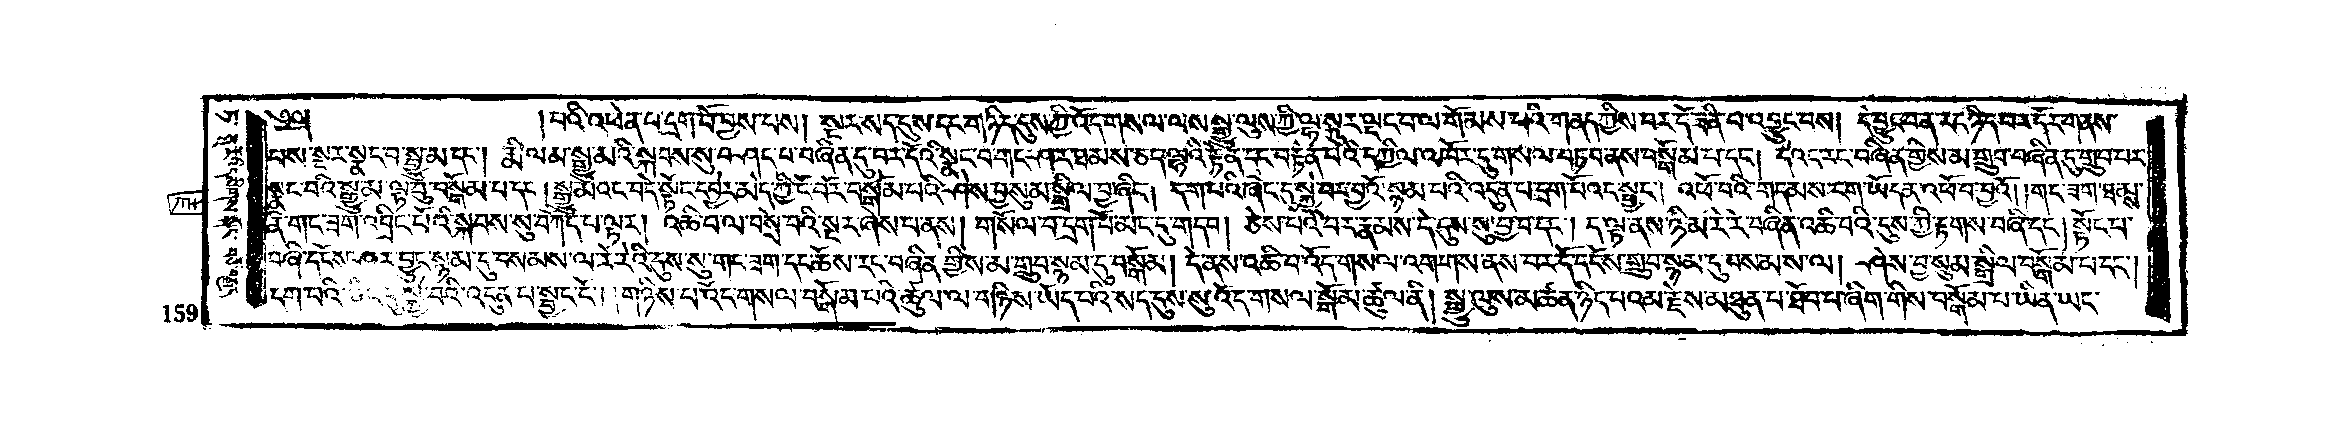༄༅། །པའི་འཕེན་པ་དྲག་པོ་བྱས་པས། སྔར་སད་དུས་དང་གཉིད་དུས་ཀྱི་འོད་གསལ་ལས་སྒྱུ་ལུས་ཀྱི་ལྷ་སྐུར་ལྡང་བ་ལ་གོམས་པའི་གནད་ཀྱིས་བར་དོ་ཟིན་པ་འབྱུང་བས། དེ་བྱུང་བ་ན་རང་ཉིད་བར་དོར་གནས་
པས་སྔར་སྣང་བ་སྒྱུ་མ་དང་། རྨི་ལམ་སྒྱུ་མའི་སྐབས་སུ་བཤད་པ་བཞིན་དུ་བར་དོའི་སྣང་བ་གང་ཤར་ཐམས་ཅད་ལྷའི་རྟེན་དང་བརྟེན་པའི་དཀྱིལ་འཁོར་དུ་གསལ་བཏབ་ནས་བསྒོམ་པ་དང་། དེའང་རང་བཞིན་གྱིས་མ་གྲུབ་བཞིན་དུ་གྲུབ་པར་
སྣང་བའི་སྒྱུ་མ་ལྟ་བུ་བསྒོམ་པ་དང་། སྒྱུ་མའང་བདེ་སྟོང་དབྱེར་མེད་ཀྱི་ངོ་བོར་བསྒོམ་པའི་ཤེས་བྱ་སུམ་སྒྲིལ་བྱ་ཞིང་། དག་པའི་ཞིང་དུ་སྐྱེ་བར་བྱའོ་སྙམ་པའི་འདུན་པ་དྲག་པོའང་སྦྱང་། འཕོ་བའི་གདམས་ངག་ཡོད་ན་འཕོ་བ་བྱའོ། །གང་ཟག་ཐ་མས་
ནི་གང་ཟག་འབྲིང་པོའི་སྐབས་སུ་བཀོད་པ་ལྟར། འཆི་བ་ལ་བསྲེ་བའི་སྔར་ཞེས་པ་ནས། གསོལ་བ་དྲག་པོ་མང་དུ་གདབ། ཅེས་པའི་བར་རྣམས་དེ་དུས་སུ་བྱ་བ་དང་། ད་ལྟ་ནས་ཉི་མ་རེ་རེ་བཞིན་འཆི་བའི་དུས་ཀྱི་རྟགས་བཞི་དང་། སྟོང་པ་
བཞི་དངོས་ཤར་བྱུང་སྙམ་དུ་བསམས་ལ་རེ་རེའི་དུས་སུ་གང་ཟག་དང་ཆོས་རང་བཞིན་གྱིས་མ་གྲུབ་སྙམ་དུ་བསྒོམ། དེ་ནས་འཆི་བ་འོད་གསལ་འགགས་ནས་བར་དོ་དངོས་གྲུབ་སྙམ་དུ་བསམས་ལ། ཤེས་བྱ་སུམ་སྒྲིལ་བསྒོམ་པ་དང་།
དག་པའི་ཞིང་དུ་སྐྱེ་བའི་འདུན་པ་སྦྱང་ངོ། །གཉིས་པ་འོད་གསལ་བསྒོམ་པའི་ཚུལ་ལ་གཉིས་ཡོད་པའི་སད་དུས་སུ་འོད་གསལ་སྒོམ་ཚུལ་ནི། སྒྱུ་ལུས་མཚན་ཉིད་པའམ་རྗེས་མཐུན་པ་ཐོབ་པ་ཞིག་གིས་བསྒོམ་པ་ཡིན་ཡང་